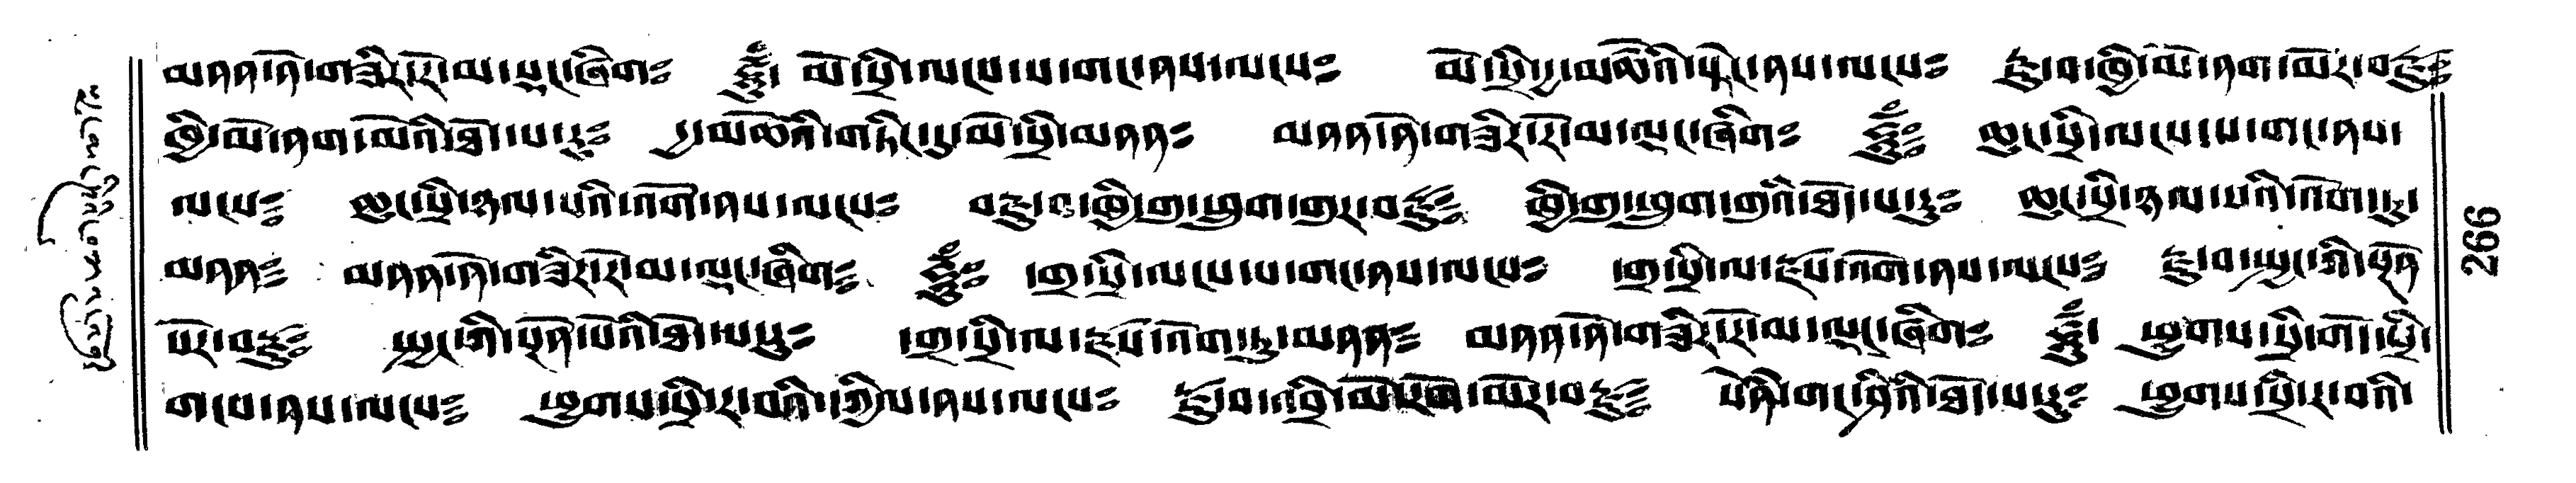མནན་ནོ་གཟིར་རོ་མ་ལྡང་ཞིགཿ ཧཱུྃཿ མོ་སྲི་ལངས་པ་གང་ནས་ལངསཿ མོ་སྲི་རྒྱ་མཚོའི་གཏིང་ནས་ལངསཿ རྗུ་བ་ཁྱི་མོ་ནག་མོར་རྫུཿ 
ཁྱི་མོ་ནག་མོའི་ཐོད་པ་རུཿ རྒྱ་མཚོའི་གཏིང་དུ་མོ་སྲི་མནནཿ མནན་ནོ་གཟིར་རོ་མ་ལྡང་ཞིགཿ ཧཱུྃཿ ཆུང་སྲི་ལངས་པ་གང་ནས་
ལངསཿཆུང་སྲི་ཉལ་པའི་འོག་ནས་ལངསཿ རྗུ་བ་ཁྱི་གུ་ཕྲུ་གུར་རྫུཿ ཁྱི་གུ་ཕྲུ་གུའི་ཐོད་པ་རུཿ ཆུང་སྲི་ཉལ་པའི་འོག་ཏུ་
མནནཿ མནན་ནོ་གཟིར་རོ་མ་ལྡང་ཞིགཿ ཧཱུྃཿ དགྲ་སྲི་ལངས་པ་གང་ནས་ལངསཿ དགྲ་སྲི་ལ་རྫས་འོག་ནས་ལངས༔ རྗུ་བ་སྤྱང་ཀི་སྔོན་
པོར་རྫུཿ སྤྱང་ཀི་སྔོན་པོའི་ཐོད་པ་རུཿ དགྲ་སྲི་ལ་རྫས་འོག་ཏུ་མནནཿ མནན་ནོ་གཟིར་རོ་མ་ལྡང་ཞིགཿ ཧཱུྃཿ ཕྱུགས་སྲི་གོད་སྲི་
གང་ནས་ལངསཿ ཕྱུགས་སྲི་རྭ་བའི་དཀྱིལ་ནས་ལངསཿ རྫུ་བ་འབྲི་མོ་རོག་མོར་རྫུཿ སེམས་ཅན་གང་ཤིའི་ཐོད་པ་རུཿ ཕྱུགས་སྲི་རྭ་བའི་